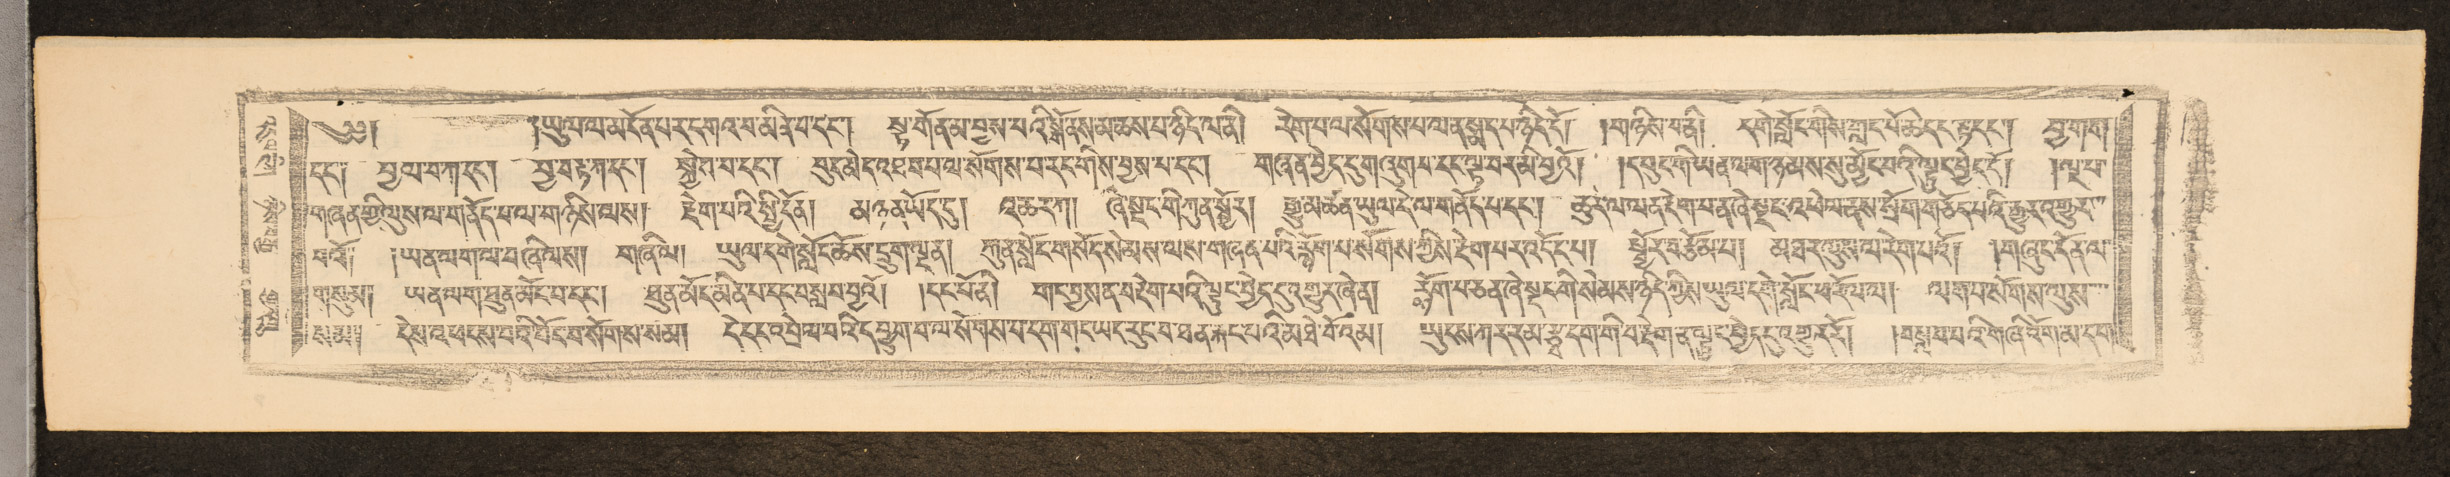༄༅། །ཡུལ་ལ་མངོན་བར་དགའ་བ་མིན་པ་དང་། སྟ་གོན་མ་བྱས་པའི་སྒོ་ནས་མ་ཆས་པ་ཉིད་ལ་ནི། རེག་པ་ལ་སོགས་བ་ལན་སྨད་པ་ཉིད་དོ། །གཉིས་པ་ནི། དགེ་སློང་གིས་གླང་པོ་ཆེ་དང་རྟ་དང་། བྱ་གག་
དང་། བྱ་ལ་བ་ཀ་དང་། བྱ་བ་རྟ་ཀ་དང་། སྐྱེས་པ་དང་། བུད་མེད་འཐབ་པ་ལ་སོགས་པ་རང་གིས་བྱས་པ་དང་། གཞན་བྱེད་དུ་གཞུག་བ་དང་ལྟ་བར་མི་བྱའོ། །དབུང་གི་ཡན་ལག་ཉམས་སུ་མྱོང་བའི་ལྟུང་བྱེད་དོ། །ལྔ་བ་
གཞན་གྱི་ལུས་ལ་གནོད་བ་ལ་གཉིས་ལས། རྡེག་པའི་སྤྱི་དོན། མཉན་ཡོད་དུ། འཆར་ཀ། ཞེ་སྡང་གི་ཀུན་སྦྱོར། རྒྱུ་མཚན་ཡུལ་དེ་ལ་གནོད་པ་དང་། ཚུར་ལ་ལན་རྡེག་པ་ན་ཞེ་སྡང་འཕེལ་ནས་སྲོག་གཅོད་པའི་རྒྱུར་འགྱུར་
བའོ། །ཡན་ལག་ལ་བཞི་ལས། གཞི་ལ། ཡུལ་དགེ་སློང་ཆོས་དྲུག་ལྡན། ཀུན་སློང་གསོད་སེམས་ལས་གཞན་པའི་རྙོག་པ་སོགས་ཀྱིས་རྡེག་བར་འདོད་པ། སྦྱོར་བ་རྩོམ་པ། མཐར་ལུས་ལ་རེག་པའོ། །གཞུང་དོན་ལ་
གསུམ། ཡན་ལག་ཐུན་མོང་བ་དང་། ཐུན་མོང་མིན་པ་དང་བསླབ་བྱའོ། །དང་པོ་ནི། གང་བྱས་ན་བརྡེག་པའི་ལྟུང་བྱེད་དུ་འགྱུར་ཞེན། རྙོག་བ་ཅན་ཞེ་སྡང་གི་སེམས་ཉིད་ཀྱིས་ཡུལ་དགེ་སློང་ཕ་རོལ་ལ། ལག་པ་སོགས་ལུས་
སམ། དེས་འབངས་བའི་བོད་བ་སོགས་སམ། དེ་དང་འབྲེལ་བའི་དབྱུག་བ་ལ་སོགས་བ་དག་གང་ཡང་རུང་བ་ཐན་རྐང་བའི་མཐེ་བོ་འམ། ཡུངས་ཀར་རམ་རྩྭ་དག་གི་བརྡེག་ན་ལྟུང་བྱེད་དུ་འགྱུར་རོ། །བསླབ་བའི་གཞི་འོག་མདག་